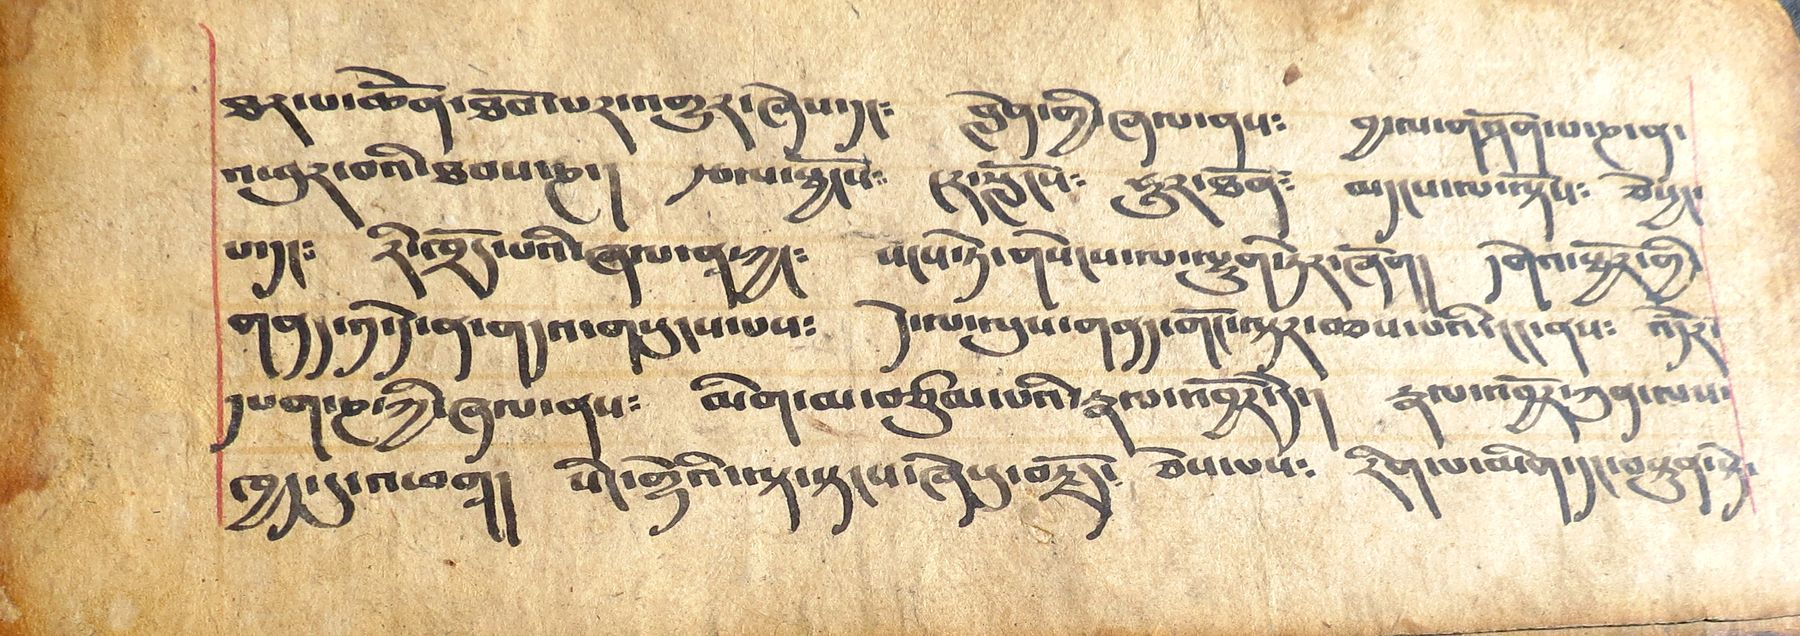ཐར་པ་ཆེན་པོ་ཐོབ་པར་འགྱུར་རོ་ཅེས་དང་། བླ་ཆེན་གྱི་ཞལ་ནས། བྱ་ལ་གཤོག་པ་མེད་ན་
འཕུར་བའི་ཐབས་མེད། རྩལ་སྦྱོངས། ངར་སློངས། ཧུར་ཐོན། མདངས་ལ་ལྟོས། ཅེས་གསུངས་
པ་དང་། རི་ཁྲོད་པའི་ཞལ་ནས་ཀྱང་། གསེང་ངེར་གསེངས་ལ་ལྷོད་དེ་གློད། དགེ་སྦྱོར་གྱི་
གནད་གཅིག་དེ་ན་གདའ་ཞེས་གསུངས་པས། དེ་ལ་ལུས་གནད་གོང་ལྟར་བཅའ་བའི་ངང་ནས། འོད་ཟེར་
དཔག་མེད་ཀྱི་གསུངས་ལྟར། མིག་མ་བཙུམས་པའི་རྣལ་འབྱོར་དེ། རྣལ་འབྱོར་ཀུན་ལས་
ཁྱད་པར་འཕགས། སེང་གེ་ལྟ་སྟངས་ཞེས་སུ་སྤྱོད། ཅེས་པས། རིག་པ་མིག་དང་བསྟུན་ཏེ།